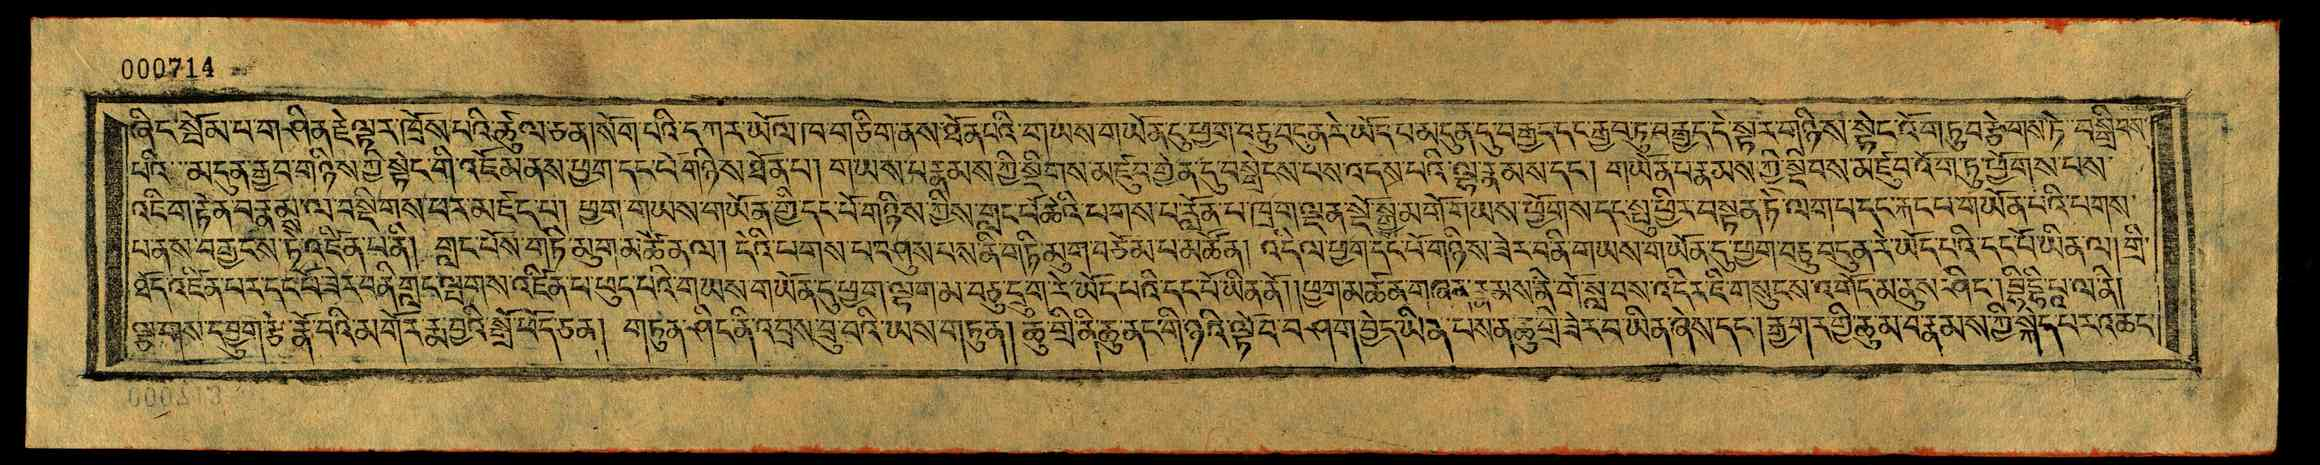ཞིང་སྦོམ་པ་གཤིན་རྗེ་ལྟར་ཁྲོས་པའི་ཚུལ་ཅན། སོག་པའི་དཀར་ཡོལ་ཁ་གཅིག་ནས་ཐོན་པའི་གཡས་གཡོན་དུ་ཕྱག་བཅུ་བདུན་རེ་ཡོད་པ་མདུན་དུ་བརྒྱད་དང་རྒྱབ་ཏུ་བརྒྱད་དེ་སྟར་གཉིས་སྟེང་འོག་ཏུ་བརྩེགས་ཏེ་བསྒྲིགས་
པའི་མདུན་རྒྱབ་གཉིས་ཀྱི་སྟེང་གི་འཛོམ་ནས་ཕྱག་དང་པོ་གཉིས་ཐོན་པ། གཡས་པ་རྣམས་ཀྱི་སྡིགས་མཛུབ་གྱེན་དུ་བསྒྲེངས་པས་འདས་པའི་ལྷ་རྣམས་དང་། གཡོན་པ་རྣམས་ཀྱི་སྡིབས་མཛུབ་འོག་ཏུ་ཕྱོགས་པས་
འཇིག་རྟེན་པ་རྣམས་ལ་བསྡིགས་པར་མཛད་པ། ཕྱག་གཡས་གཡོན་གྱི་དང་པོ་གཉིས་ཀྱིས་གླང་པོ་ཆེའི་པགས་པ་རློན་པ་ཁྲག་ལྡན་སྔོ་སྐྱ་མགོ་གཡས་ཕྱོགས་དང་སྦུ་ཕྱིར་བསྟན་ཏེ་ལག་པ་དང་རྐང་པ་གཡོན་པའི་པགས་
པ་ནས་བརྒྱངས་ཏེ་འཛིན་པ་ནི། གླང་པོས་གཏི་མུག་མཚོན་ལ། དེའི་པགས་པ་བཤུས་པས་ནི་གཏུ་མུག་བཅོམ་པ་མཚོན། འདི་ལ་ཕྱག་དང་པོ་གཉིས་ཟེར་བ་ནི་གཡས་གཡོན་དུ་ཕྱག་བཅུ་བདུན་རེ་ཡོད་པའི་དང་པོ་ཡིན་ལ། གྲི་
ཐོད་འཛིན་པར་དང་པོ་ཟེར་བ་ནི་གླང་ལྤགས་འཛིན་པ་ཕུད་པའི་གཡན་གཡོན་དུ་ཕྱག་ལྷག་མ་བཅུ་དྲུག་རེ་ཡོད་པའི་དང་པོ་ཡིན་ནོ། །ཕྱག་མཚན་གཞན་རྣམས་ནི་གོ་སླ་བས་འདིར་ཇི་གསུངས་འགོད་མ་ནུས་ཤིང་།དྷི་དྷི་པཱ་ལ་ནི།
ལྕགས་དབྱུག་རྩེ་རྣོ་བའི་མགོར་རྨ་བྱའི་སྒྲོ་ཕོད་ཅན། གཏུན་ཤིང་ནི་འབྲས་བྲུ་བའི་ཡས་གཏུན། ཆུ་གྲི་ནི་ཆུ་ནང་གི་ཉའི་ལྟོ་བ་གཤག་བྱེད་ཡིན་པས་ན་ཆུ་གྲི་ཟེར་བ་ཡིན་ཞེས་དང་། རྒྱ་གར་གྱི་ཆུ་མ་བ་རྣམས་ཀྱི་སྐེད་པར་འཆང་